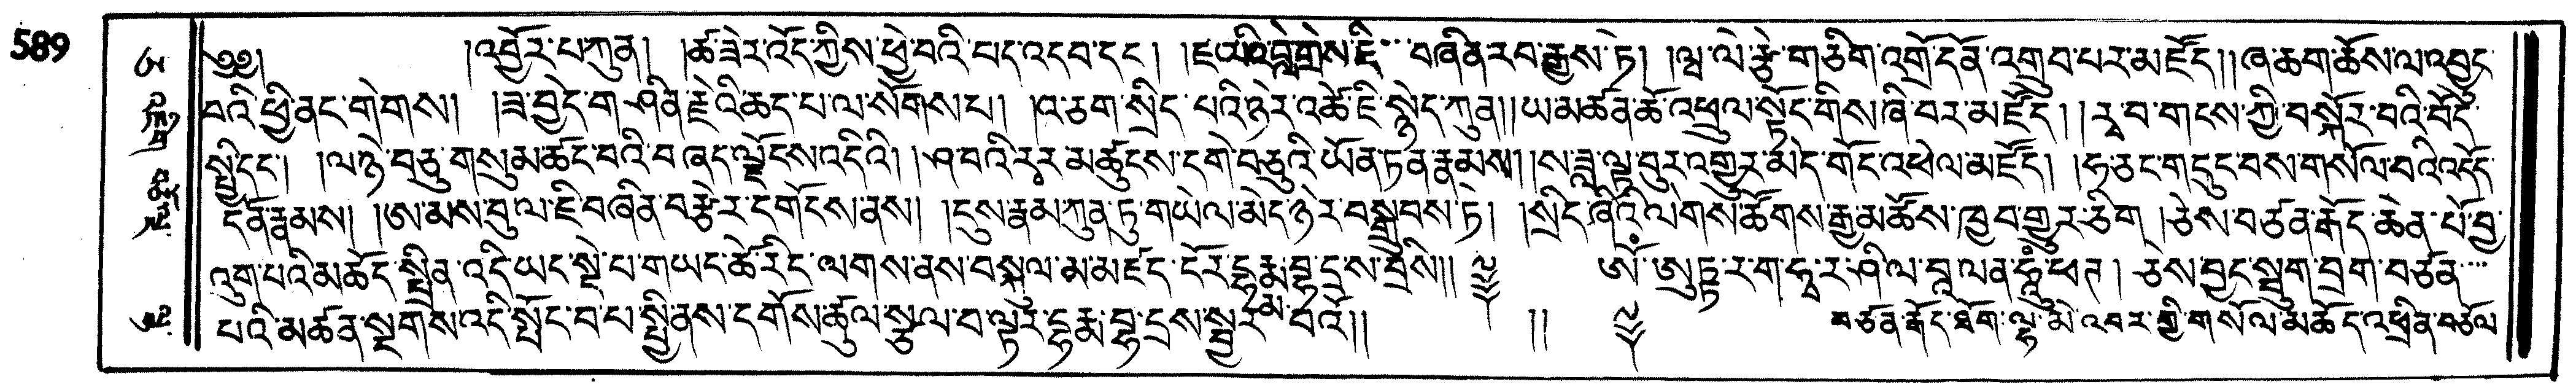༄༅། །འབྱོར་པ་ཀུན། །ཚ་ཟེར་འོད་ཀྱིས་ཕྱེ་བའི་པད་འདབ་དང་། །ཛཡའི་བླེ་གྲེས་ཇི་་་བཞིན་རབ་རྒྱས་ཏེ། །ཝ་ལེ་རྩེ་གཅིག་འགྲོ་དོན་འགྲུབ་པར་མཛོད། །ཞ་ཆག་ཆོས་ལ་འབྱུང་
བའི་ཕྱི་ནང་གེགས། །ཟ་བྱེད་གཤིན་རྗེའི་ཆད་པ་ལ་སོགས་པ། །འ་ཅག་སྲིད་པའི་ཉེར་འཚེ་ཇི་སྙེད་ཀུན། །ཡ་མཚན་ཆོ་འཕྲུལ་སྟོང་གིས་ཞི་བར་མཛོད། །རྭ་བ་གངས་ཀྱི་བསྐོར་བའི་བོད་
སྤྱི་དང་། །ལ་ཉེ་བཅུ་གསུམ་ཚང་བའི་བཞད་ལྗོངས་འདིའི། །ཤ་བའི་ར྾ཨར་མཚུངས་དགེ་བཅུའི་ཡོན་ཏན་རྣམས། །ས་ཟླ་ལྟ་བུར་འགྱུར་མེད་གོང་འཕེལ་མཛོད། །ཧ་ཅང་གདུང་བས་གསོལ་བའི་འདོད་
དོན་རྣམས། །ཨ་མས་བུ་ལ་ཇི་བཞིན་བརྩེར་དགོངས་ནས། །དུས་རྣམ་ཀུན་ཏུ་གཡེལ་མེད་ཉེར་བསྒྲུབས་ཏེ། །སྲིད་ཞིའི་ལེགས་ཚོགས་རྒྱ་མཚོས་ཁྱབ་གྱུར་ཅིག །ཅེས་བཙན་རྒོད་ཆེན་པོ་བྱ་
འུག་པའི་མཆོད་སྤྲིན་འདི་ཡང་སྡེ་པ་གཡང་ཚེ་རིང་ལགས་ནས་བསྐུལ་མ་མཛད་དོར་དྷརྨ་བྷ་དྲ་ས་བྲིས།། འ་ཨོཾ་ཨུཏྟ་ར་ག་ཧྭ་ར་ཤི་ལ་བཱ་ལན་ཧཱུཾ་ཕཊ། ཅེས་བྱང་སྦུག་བྲག་བཙན་་་
པའི་མཚན་སྔགས་འདི་སྤོང་བ་པ་སྤྱི་ནས་དགོས་ཚུལ་སྩལ་བ་ལྟར་དྷརྨ་བྷ་དྲས་སྦྱར་བའོ།། །། འ་བཙན་རྒོད་ཐོག་ལྷ་མེ་འབར་གྱི་གསོལ་མཆོད་འཕྲིན་བཅོལ་